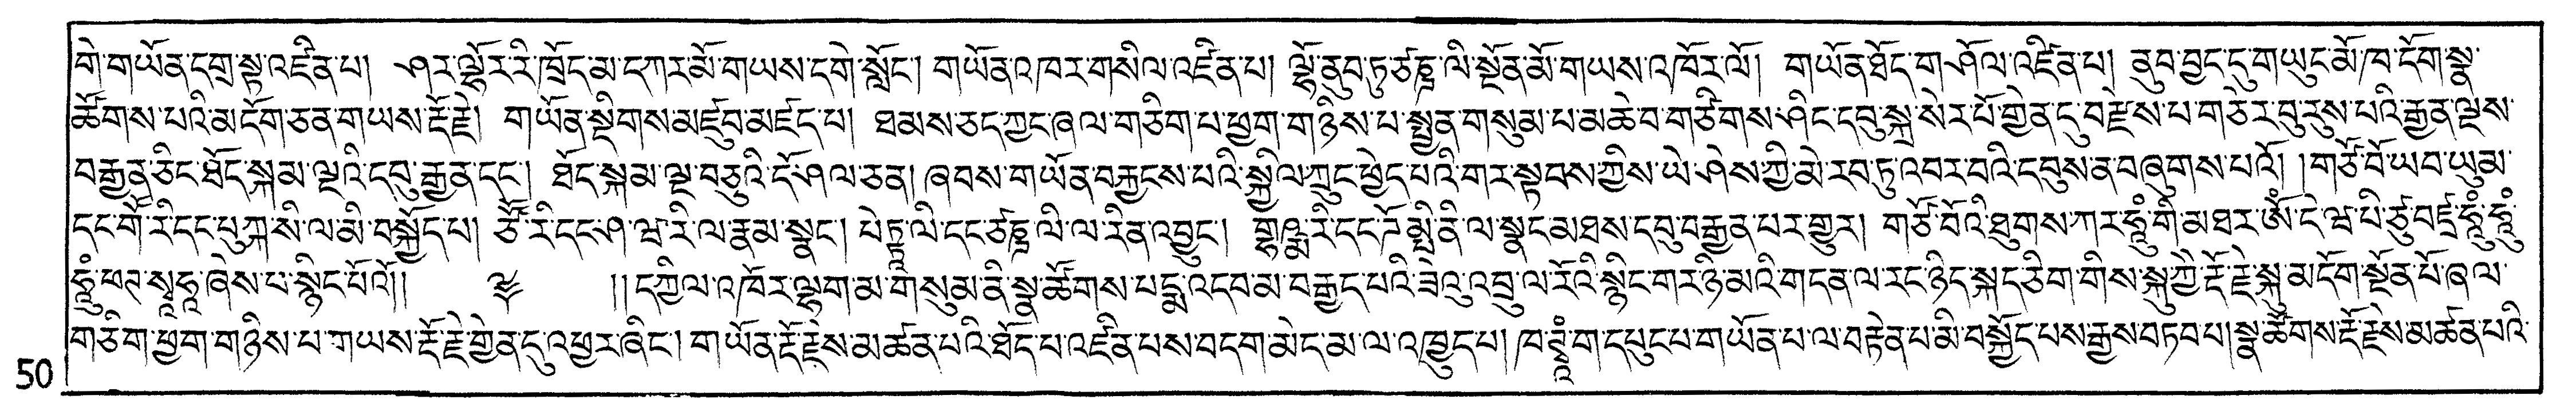གེ་གཡོན་དགྲ་སྟ་འཛིན་པ། ཤར་ལྷོར་རི་ཁྲོད་མ་དཀར་མོ་གཡས་དགེ་སློང་། གཡོན་འཁར་གསིལ་འཛིན་པ། ལྷོ་ནུབ་ཏུ་ཙཎྜ་ལི་སྔོན་མོ་གཡས་འཁོར་ལོ། གཡོན་ཐོད་གཤོལ་འཛིན་པ། ནུབ་བྱང་དུ་གཡུང་མོ་ཁ་དོག་སྣ་
ཚོགས་པའི་མདོག་ཅན་གཡས་རྡོ་རྗེ། གཡོན་སྡིགས་མཛུབ་མཛད་པ། ཐམས་ཅད་ཀྱང་ཞལ་གཅིག་པ་ཕྱག་གཉིས་པ་སྤྱན་གསུམ་པ་མཆེ་བ་གཙིགས་ཤིང་དབུ་སྐྲ་སེར་པོ་གྱེན་དུ་བརྫེས་པ་གཅེར་བུ་རུས་པའི་རྒྱན་ལྔས་
བརྒྱན་ཅིང་ཐོད་སྐམ་ལྔའི་དབུ་རྒྱན་དང་། ཐོད་སྐམ་ལྔ་བཅུའི་དོ་ཤལ་ཅན། ཞབས་གཡོན་བརྐྱངས་པའི་སྐྱིལ་ཀྲུང་ཕྱེད་པའི་གར་སྟབས་ཀྱིས་ཡེ་ཤེས་ཀྱི་མེ་རབ་ཏུ་འབར་བའི་དབུས་ན་བཞུགས་པའོ། །གཙོ་བོ་ཡབ་ཡུམ་
དང་གཽ་རི་དང་པུཀྐ་སི་ལ་མི་བསྐྱོད་པ། ཙཽ་རི་དང་ཤ་ཝ་རི་ལ་རྣམ་སྣང་། པེཏྟཱ་ལི་དང་ཙཎྜ་ལི་ལ་རིན་འབྱུང་། གྷཥྨ་རི་དང་ཌོ་མིཔ་ནི་ལ་སྣང་མཐས་དབུ་བརྒྱན་པར་གྱུར། གཙོ་བོའི་ཐུགས་ཀར་ཧཱུཾ་གི་མཐར་ཨོཾ་དེ་ཝ་པི་ཙུ་བཛྲ་ཧཱུཾ་ཧཱུཾ་
ཧཱུཾ་ཕཊ་སྭཱཧཱ་ཞེས་པ་སྙིང་པོའོ།། ༈ །།དཀྱིལ་འཁོར་ལྷག་མ་གསུམ་ནི་སྣ་ཚོགས་པདམ་འདབ་མ་བརྒྱད་པའི་ཟེའུ་འབྲུ་ལ་རོའི་སྙིང་གར་ཉི་མའི་གདན་ལ་རང་ཉིད་སྐད་ཅིག་གིས་སྐུ་ཀྱཻ་རྡོ་རྗེ་སྐུ་མདོག་སྔོན་པོ་ཞལ་
གཅིག་ཕྱག་གཉིས་པ་གཡས་རྡོ་རྗེ་གྱེན་དུ་འཕྱར་ཞིང་། གཡོན་རྡོ་རྗེས་མཚན་པའི་ཐོད་པ་འཛིན་པས་བདག་མེད་མ་ལ་འཁྱུད་པ། ཁ་ཊྭཱཾ་ག་དཔུང་པ་གཡོན་པ་ལ་བརྟེན་པ་མི་བསྐྱོད་པས་རྒྱས་བཏབ་པ། སྣ་ཚོགས་རྡོ་རྗེས་མཚན་པའི་